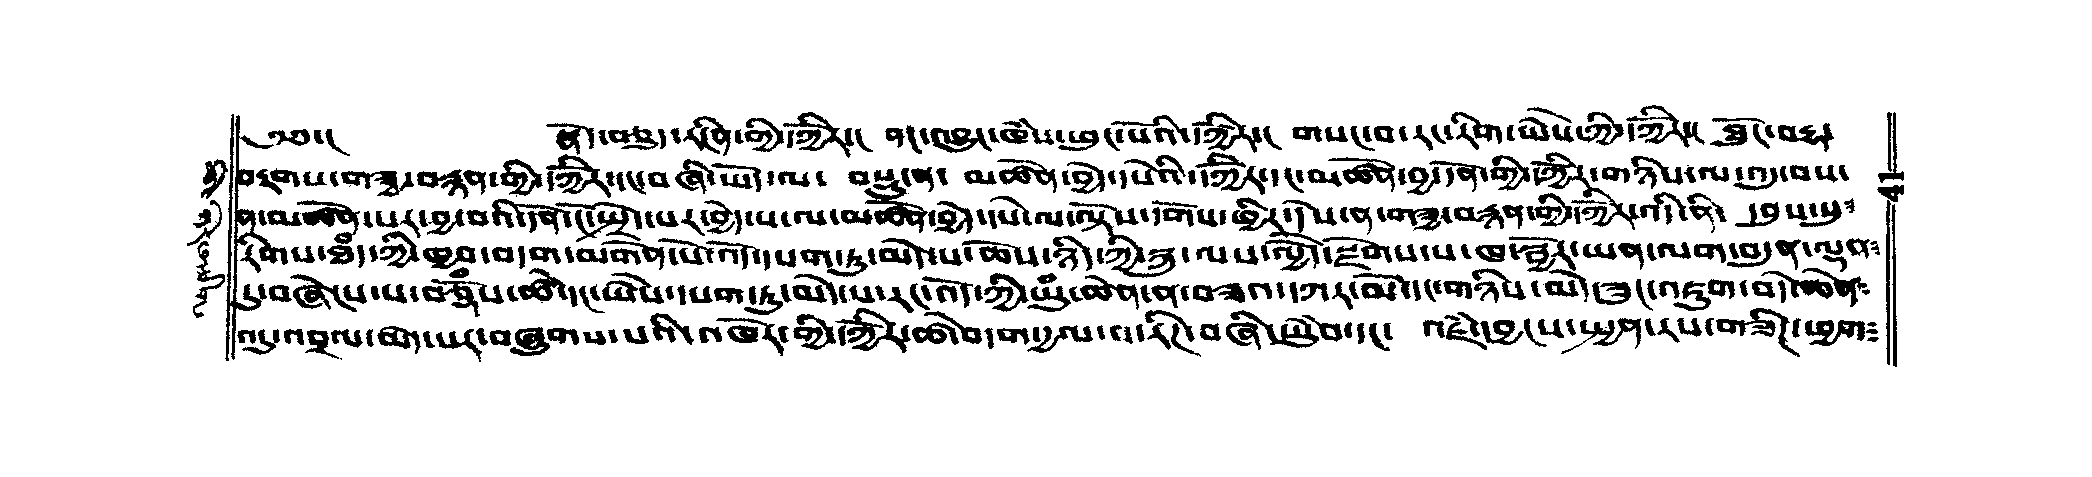སྣོད་བཅུད་རང་བཞིན་གྱི་དཀྱིལ་འཁོར། ནང་འབྱུང་ཁམས་ཕུང་པོའི་དཀྱིལ་འཁོར། གསང་བ་རང་རིག་ཡེ་ཤེས་ཀྱི་དཀྱིལ་འཁོར། ཐུན་མོང་བརྡ་
བརྟགས་གཟུགས་བརྙན་གྱི་དཀྱིལ་འཁོར་དང་བཞི་ཡོད་ལ། བསྡུ་ན། མཆོན་བྱེད་དཔེའི་དཀྱིལ་འཁོར་དང་མཚོན་བྱ་དོན་གྱི་དཀྱིལ་འཁོར་གཉིས་ལ་འདུ་བས་
ན་མཚོན་པརཻ་ཡ་བའི་དོན་ངོ་སྤྲོད་པར་བྱེད་པ་ལ་མཚོན་བྱེད་དཔེ་ལ་ལྟོས་དགོས་ཕྱིར་དེས་ན་གཟུགས་བརྙན་གྱི་དཀྱིལ་འཁོར་འདི་ནི།དབུས་སུ་
རིགས་ཐམས་ཅད་ཀྱི་ཁྱབ་བདག་མགོན་པོ་འོད་དཔག་ཏུ་མེད་པ་ཆོས་ཉིད་ཀྱི་སྐུ་ལས་ལོངས་སྤྱོད་རྫོགས་པ་ཁ་སྦྱོར་ཡན་ལག་བདུན་ལྡན་་་་་
འདུ་འབྲལ་མེད་པར་བཞུགས་པའི་འཁོར་གྱི་དཀྱིལ་འཁོར་ཚེ་བདག་རྒྱལ་བ་རིགས་བཞི་ཡབ་ཡུམ་དང་། འཇམ་དབྱངས་སྤྱན་རས་གཟིགས་ཕྱག་